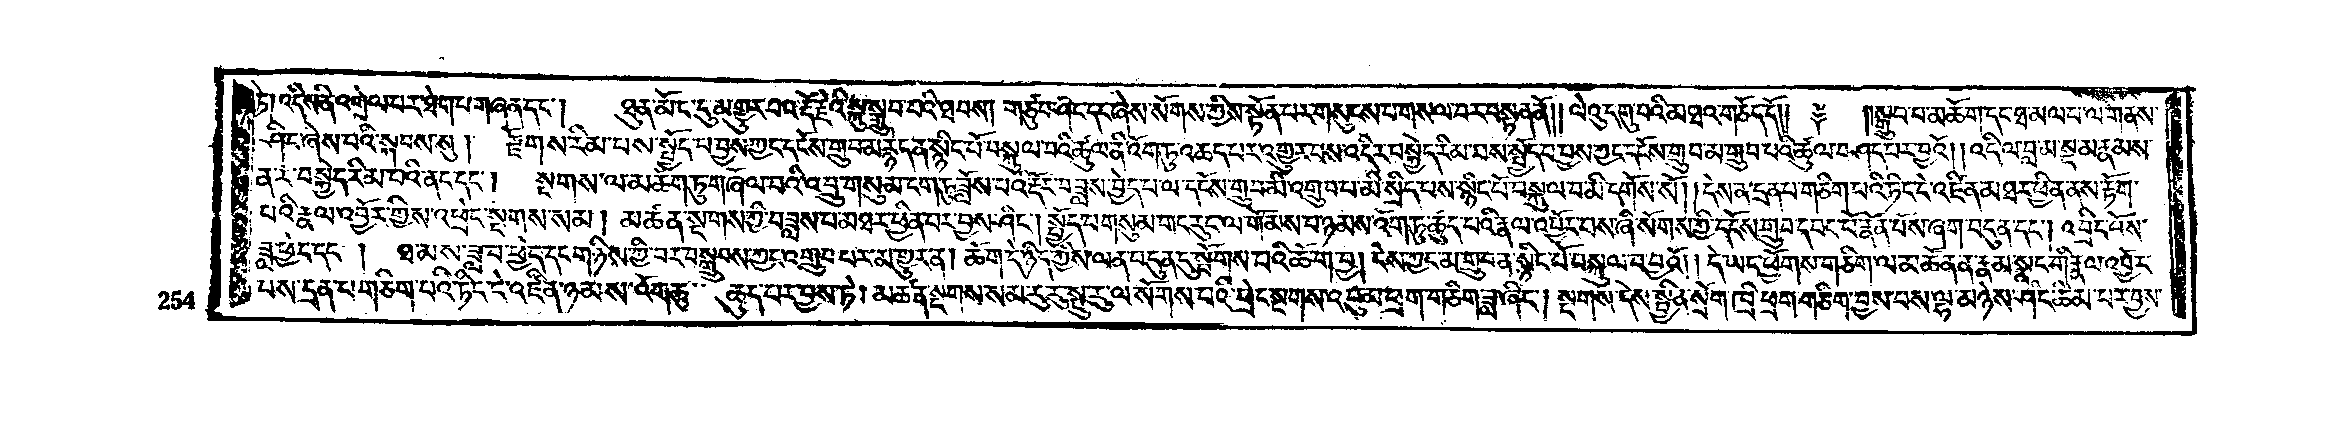ཏེ། འདིས་ནི་འགྲེལ་བར་ཐེག་པ་གཞན་དང་། ཐུན་མོང་དུ་མ་གྱུར་པའི་རྡོ་རྗེའི་སྐུ་སྒྲུབ་པའི་ཐབས། གཙུབ་ཤིང་དང་ཞེས་སོགས་ཀྱིས་སྟོན་པར་གསུངས་པ་གསལ་བར་བསྟན་ནོ། །ལེའུ་དགུ་པའི་མཐའ་གཅོད་དོ།། ༈ །།སྒྲུབ་པ་མཆོག་དང་ཐ་མལ་པ་ལ་གནས་
ཤིང་ཞེས་པའི་སྐབས་སུ། རྫོགས་རིམ་པས་སྤྱོད་པ་བྱས་ཀྱང་དངོས་གྲུབ་མ་རྙེད་ན་སྙིང་པོ་བསྐུལ་བའི་ཚུལ་ནི་འོག་ཏུ་འཆད་པར་འགྱུར་བས་འདིར་བསྐྱེད་རིམ་པས་སྤྱོད་པ་བྱས་ཀྱང་དངོས་གྲུབ་པའི་ཚུལ་བཤད་པར་བྱའོ། །འདི་ལ་བླ་མ་སྔ་མ་རྣམས་
ན་རི་?་བསྐྱེད་རིམ་པའི་ནང་དང་། སྔགས་ལ་མཆོག་ཏུ་གཞོལ་བའི་འབྲུ་གསུམ་ངག་ཏུ་ཟློས་པའི་རྡོར་བཟླས་བྱེད་པ་ལ་དངོས་གྲུབ་མི་འགྲུབ་པ་མི་སྲིད་པས་སྙིང་པོ་བསྐུལ་བ་མི་དགོས་སོ། །དེས་ན་དྲན་པ་གཅིག་པའི་ཏིང་ངེ་འཛིན་མཐར་ཕྱིན་ནས་རྟོག་
པའི་རྣལ་འབྱོར་གྱིས་འཕྲེང་སྔགས་སམ། མཚན་སྔགས་ཀྱི་བཟླས་པ་མཐར་ཕྱིན་པར་བྱས་ཤིང་། སྤྱོད་པ་གསུམ་གང་རུང་ལ་གོམས་པ་ཉམས་འོག་ཏུ་ཚུད་པའི་རྣལ་འབྱོར་པས་ཞི་སོགས་ཀྱི་དངོས་གྲུབ་དབང་པོ་རྣོན་པོས་ཞག་བདུན་དང་། འབྲིང་པོས་
ཟླ་ཕྱེད་དང་། ཐ་མས་ཟླ་བ་ཕྱེད་དང་གཉིས་ཀྱི་བར་བསྒྲུབས་ཀྱང་འགྲུབ་པར་མ་གྱུར་ན། ཆོ་ག་དེ་ཉིད་ཀྱིས་ལན་བདུན་དུ་སྤོགས་པའི་ཆོ་ག་བྱ། ངེས་ཀྱང་མ་གྲུབ་ན་སྙིང་པོ་བསྐུལ་བ་བྱའོ། །དེ་ཡང་ཕྱོགས་གཅིག་ལ་མཚོན་ན་རྣམ་སྣང་གི་རྣལ་འབྱོར་
པས་དྲན་པ་གཅིག་པའི་ཏིང་ངེ་འཛིན་ཉམས་འོག་ཏུ་ཆུད་པར་བྱས་ཏེ། མཚན་སྔགས་སམ་རུ་རུ་སྥུ་རུ་ལ་སོགས་པའི་ཕྲེང་སྔགས་འབུམ་ཕྲག་གཅིག་ཟླ་ཞིང་། སྔགས་དེས་སྦྱིན་སྲེག་ཁྲི་ཕྲག་གཅིག་བྱས་པས་ལྷ་མཉེས་ཤིང་ཚིམ་པར་བྱས་